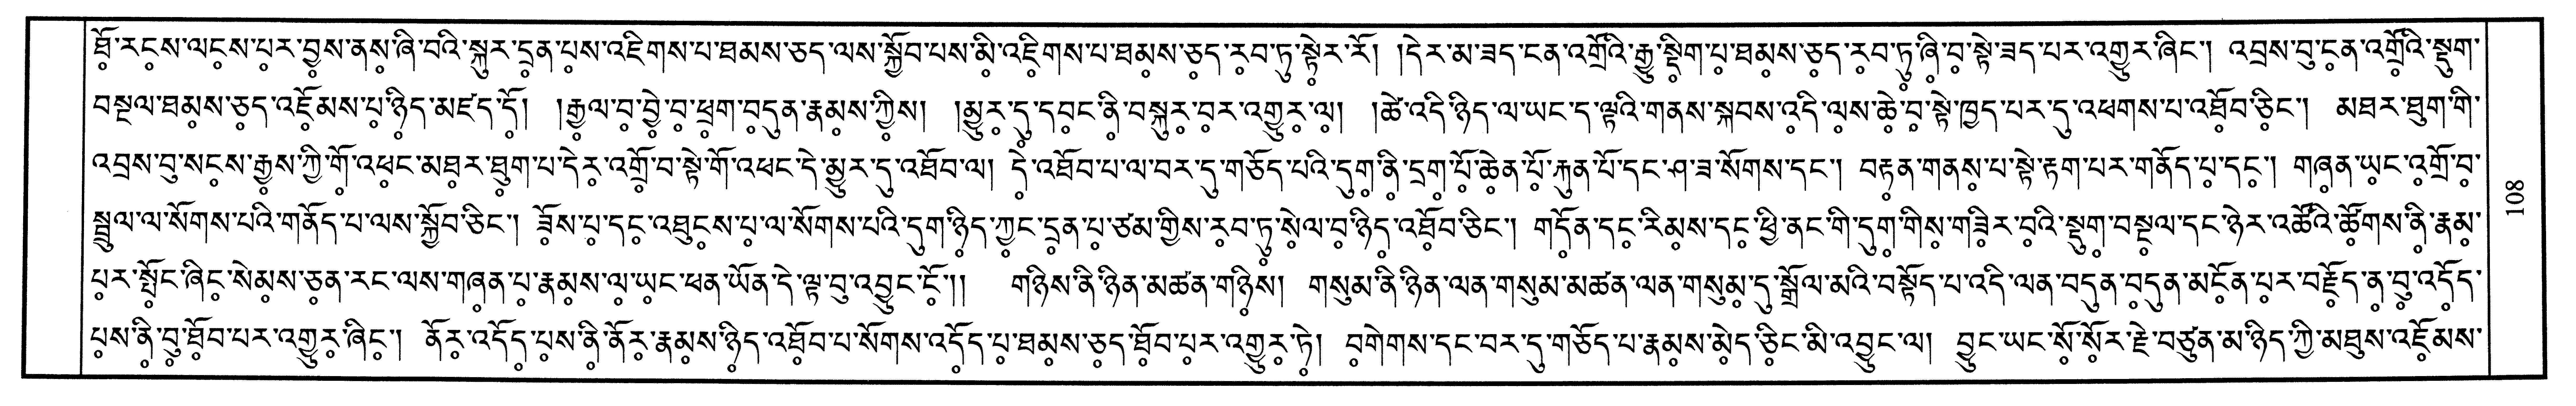ཐོ་རངས་ལངས་པར་བྱས་ནས་ཞི་བའི་སྐུར་དྲན་པས་འཇིགས་པ་ཐམས་ཅད་ལས་སྐྱོབ་པས་མི་འཇིགས་པ་ཐམས་ཅད་རབ་ཏུ་སྟེར་རོ། །དེར་མ་ཟད་ངན་འགྲོའི་རྒྱུ་སྡིག་པ་ཐམས་ཅད་རབ་ཏུ་ཞི་བ་སྟེ་ཟད་པར་འགྱུར་ཞིང་། འབྲས་བུ་ངན་འགྲོའི་སྡུག་
བསྔལ་ཐམས་ཅད་འཇོམས་པ་ཉིད་མཛད་དོ། །རྒྱལ་བ་བྱེ་བ་ཕྲག་བདུན་རྣམས་ཀྱིས། །མྱུར་དུ་དབང་ནི་བསྐུར་བར་འགྱུར་ལ། །ཚེ་འདི་ཉིད་ལ་ཡང་ད་ལྟའི་གནས་སྐབས་འདི་ལས་ཆེ་བ་སྟེ་ཁྱད་པར་དུ་འཕགས་པ་འཐོབ་ཅིང་། མཐར་ཐུག་གི་
འབྲས་བུ་སངས་རྒྱས་ཀྱི་གོ་འཕང་མཐར་ཐུག་པ་དེར་འགྲོ་བ་སྟེ་གོ་འཕང་དེ་མྱུར་དུ་འཐོབ་ལ། དེ་འཐོབ་པ་ལ་བར་དུ་གཅོད་པའི་དུག་ནི་དྲག་པོ་ཆེན་པོ་རྐུན་པོ་དང་ཤ་ཟ་སོགས་དང་། བརྟན་གནས་པ་སྟེ་རྟག་པར་གནོད་པ་དང་། གཞན་ཡང་འགྲོ་བ་
སྦྲུལ་ལ་སོགས་པའི་གནོད་པ་ལས་སྐྱོབ་ཅིང་། ཟོས་པ་དང་འཐུངས་པ་ལ་སོགས་པའི་དུག་ཉིད་ཀྱང་དྲན་པ་ཙམ་གྱིས་རབ་ཏུ་སེལ་བ་ཉིད་འཐོབ་ཅིང་། གདོན་དང་རིམས་དང་ཕྱི་ནང་གི་དུག་གིས་གཟིར་བའི་སྡུག་བསྔལ་དང་ཉེར་འཚོའི་ཚོགས་ནི་རྣམ་
པར་སྤོང་ཞིང་སེམས་ཅན་རང་ལས་གཞན་པ་རྣམས་ལ་ཡང་ཕན་ཡོན་དེ་ལྟ་བུ་འབྱུང་ངོ།། གཉིས་ནི་ཉིན་མཚན་གཉིས། གསུམ་ནི་ཉིན་ལན་གསུམ་མཚན་ལན་གསུམ་དུ་སྒྲོལ་མའི་བསྟོད་པ་འདི་ལན་བདུན་བདུན་མངོན་པར་བརྗོད་ན་བུ་འདོད་
པས་ནི་བུ་ཐོབ་པར་འགྱུར་ཞིང་། ནོར་འདོད་པས་ནི་ནོར་རྣམས་ཉིད་འཐོབ་པ་སོགས་འདོད་པ་ཐམས་ཅད་ཐོབ་པར་འགྱུར་ཏེ། བགེགས་དང་བར་དུ་གཅོད་པ་རྣམས་མེད་ཅིང་མི་འབྱུང་ལ། བྱུང་ཡང་སོ་སོར་རྗེ་བཙུན་མ་ཉིད་ཀྱི་མཐུས་འཇོམས་